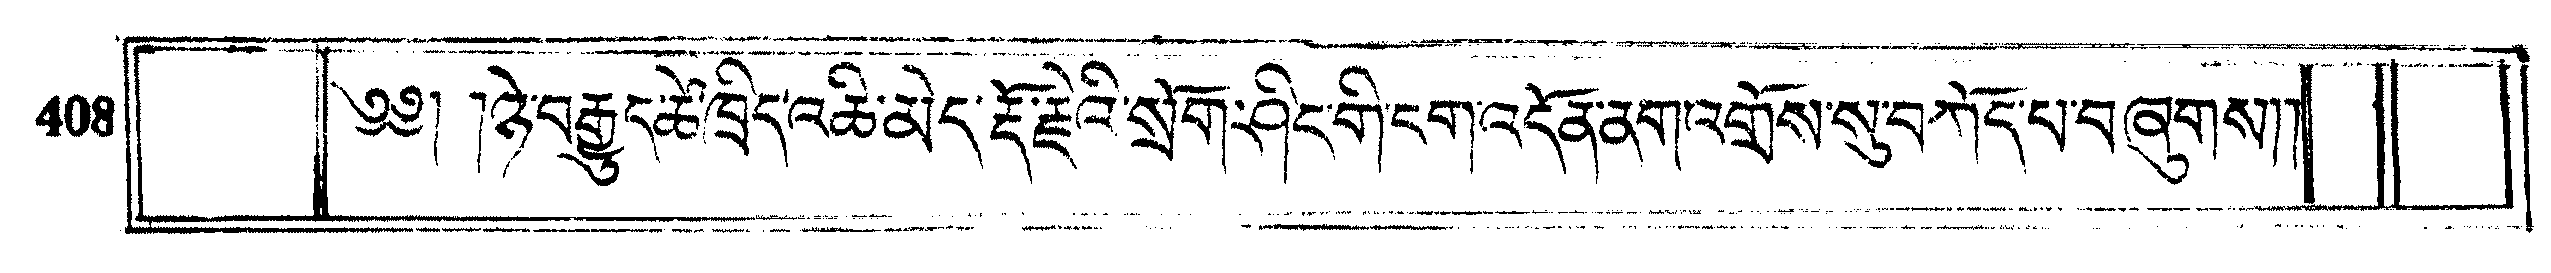༄༅། །ཉེ་བརྒྱུད་ཚེ་ཁྲིད་འཆི་མེད་རྡོ་རྗེའི་སྲོག་ཤིང་གི་ངག་འདོན་ནག་འགྲོས་སུ་བཀོད་པ་བཞུགས།།